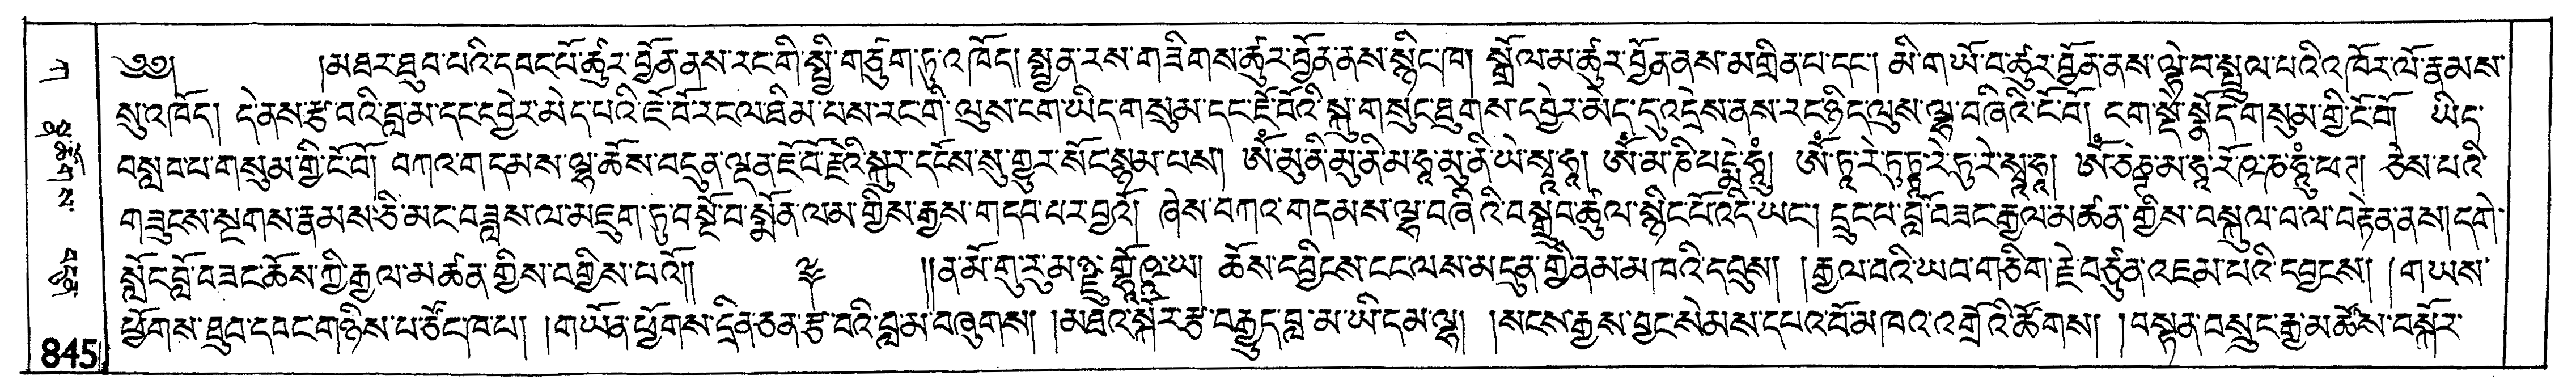༄༅། །མཐར་ཐུབ་པའི་དབང་པོ་ཚུར་བྱོན་ནས་རང་གི་སྤྱི་གཙུག་ཏུ་འཁོད། སྤྱན་རས་གཟིགས་ཚུར་བྱོན་ནས་སྙིང་ཁ། སྒྲོལ་མ་ཚུར་བྱོན་ནས་མགྲིན་པ་དང་། མི་གཡོ་བ་ཚུར་བྱོན་ནས་ལྟེ་བ་སྤྲུལ་པའི་འཁོར་ལོ་རྣམས་
སུ་འཁོད། དེ་ནས་རྩ་བའི་བླ་མ་དང་དབྱེར་མེད་པའི་ཇོ་བོ་རང་ལ་ཐིམ་པས་རང་གི་ལུས་ངག་ཡིད་གསུམ་དང་ཇོ་བོའི་སྐུ་གསུང་ཐུགས་དབྱེར་མེད་དུ་འདྲེས་ནས་རང་ཉིད་ལུས་ལྷ་བཞིའི་ངོ་བོ། ངག་སྡེ་སྣོད་གསུམ་གྱི་ངོ་བོ། ཡིད་
བསླབ་པ་གསུམ་གྱི་ངོ་བོ། བཀའ་གདམས་ལྷ་ཆོས་བདུན་ལྡན་ཇོ་བོ་རྗེའི་སྐུར་དངོས་སུ་གྱུར་སོང་སྙམ་པས། ཨོཾ་མུ་ནི་མུ་ནི་མ་ཧཱ་མུ་ནི་ཡེ་སྭཱཧཱ། ཨོཾ་མ་ཎི་པདམེ་ཧཱུཾ། ཨོཾ་ཏཱ་རེ་ཏུ་ཏྟཱ་རེ་ཏུ་རེ་སྭཱཧཱ། ཨོཾ་ཅེཎྚ་མ་ཧཱ་རོ་ཥ་ཎ་ཧཱུཾ་ཕཊ། ཅེས་པའི་
གཟུངས་སྔགས་རྣམས་ཅི་མང་བཟླས་ལ་མཇུག་ཏུ་བསྔོ་བ་སྨོན་ལམ་གྱིས་རྒྱས་གདབ་པར་བྱའོ། ཞེས་བཀའ་གདམས་ལྷ་བཞིའི་བསྒྲུབ་ཚུལ་སྙིང་པོ་འདི་ཡང་། དྲུང་པ་བློ་བཟང་རྒྱལ་མཚན་གྱིས་བསྐུལ་བ་ལ་བརྟེན་ནས། དགེ་
སློང་བློ་བཟང་ཆོས་ཀྱི་རྒྱལ་མཚན་གྱིས་བགྱིས་པའོ།། ༈ །།ན་མོ་གུ་རུ་མཉྫུ་གྷO་ཥཱ་ཡ། ཆོས་དབྱིངས་ངང་ལས་མདུན་གྱི་ནམ་མཁའི་དབུས། །རྒྱལ་བའི་ཡབ་གཅིག་རྗེ་བཙུན་འཇམ་པའི་དབྱངས། །གཡས་
ཕྱོགས་ཐུབ་དབང་གཉིས་པ་ཙོང་ཁ་པ། །གཡོན་ཕྱོགས་དྲིན་ཅན་རྩ་བའི་བླ་མ་བཞུགས། །མཐའ་སྐོར་རྩ་བརྒྱུད་བླ་མ་ཡི་དམ་ལྷ། །སངས་རྒྱས་བྱང་སེམས་དཔའ་བོ་མཁའ་འགྲོའི་ཚོགས། །བསྟན་བསྲུང་རྒྱ་མཚོས་བསྐོར་